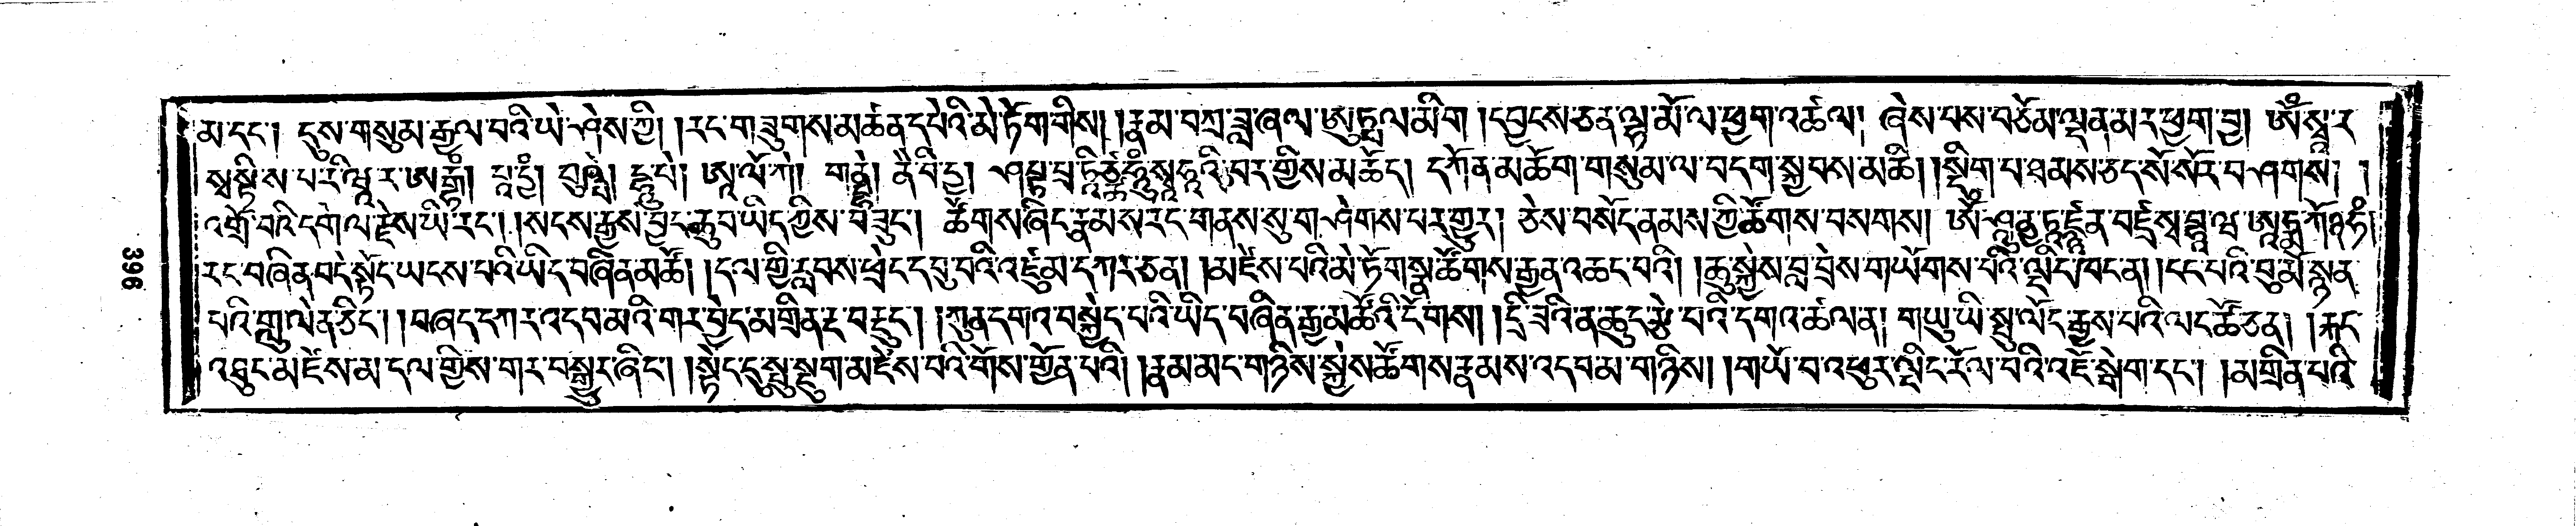མ་དང་། དུས་གསུམ་རྒྱལ་བའི་ཡེ་ཤེས་ཀྱི། །རང་གཟུགས་མཚན་དཔེའི་མེ་ཏོག་གིས། །རྣམ་བཀྲ་ཟླ་ཞལ་ཨུཏྤལ་མིག །དབྱངས་ཅན་ལྷ་མོ་ལ་ཕྱག་འཚལ། ཞེས་པས་བཅོམ་ལྡན་མར་ཕྱག་བྱ། ཨོཾ་སྭཱ་ར་
སྭསྟི་ས་པ་རི་ཝཱ་ར་ཨརྒྷཾ། པཱ་དྱཾ། པུཥྤེ། དྷཱུ་པེ། ཨཱ་ལོ་ཀེ། གནྡྷེ། ནཻ་བི་དྱ། ཤཔྟ་པྲ་ཏཱིཙྪ་ཧཱུཾ་སྭཱཧཱའི་བར་གྱིས་མཆོད། དཀོན་མཆོག་གསུམ་ལ་བདག་སྐྱབས་མཆི། །སྡིག་པ་ཐམས་ཅད་སོ་སོར་བཤགས། །
འགྲོ་བའི་དགེ་ལ་རྗེས་ཡི་རང་། །སངས་རྒྱས་བྱང་ཆུབ་ཡིད་ཀྱིས་བཟུང་། ཚོགས་ཞིང་རྣམས་རང་གནས་སུ་གཤེགས་པར་གྱུར། ཅེས་བསོད་ནམས་ཀྱི་ཚོགས་བསགས། ཨོཾ་ཤཱུ་ནྱ་ཏཱ་ཛྙཱ་ན་བཛྲ་སྭ་བྷཱ་ཝ་ཨཱཏྨ་ཀོ་ཉ་ཧཾ།
རང་བཞིན་བདེ་སྟོང་ཡངས་པའི་ཡིད་བཞིན་མཚོ། །དལ་གྱི་རླབས་ཕྲེང་དབུ་བའི་འཛུམ་དཀར་ཅན། །མཛེས་པའི་མེ་ཏོག་སྣ་ཚོགས་རྒྱན་འཆང་བའི། །ཆུ་སྐྱེས་བླ་བྲེས་གཡོགས་པའི་ལྡིང་ཁང་ན། །ངང་པའི་བུ་མོ་སྙན་
པའི་གླུ་ལེན་ཅིང་། །བཞད་དཀར་འདབ་མའི་གར་བྱེད་མགྲིན་རྔ་བརྡུང་། །ཀུན་དགའ་བསྐྱེད་པའི་ཡིད་བཞིན་རྒྱ་མཚོའི་ངོགས། །དྲི་ཟའི་ན་ཆུང་རྩེ་བའི་དགའ་ཚལ་ན། གཡུ་ཡི་སྤུ་ལོང་རྒྱས་པའི་ལང་ཚོ་ཅན། །རྐང་
འཐུང་མཛེས་མ་དལ་གྱིས་གར་བསྒྱུར་ཞིང་། །སྟེང་དུ་སྤུ་སྡུག་མཛེས་པའི་གོས་གྱོན་པའི། །རྣམ་མང་གཉིས་སྐྱེས་ཚོགས་རྣམས་འདབ་མ་གཉིས། །གཡོ་བ་འཕུར་ལྡིང་རོལ་པའི་འཇོ་སྒེག་དང་། །མགྲིན་པའི་